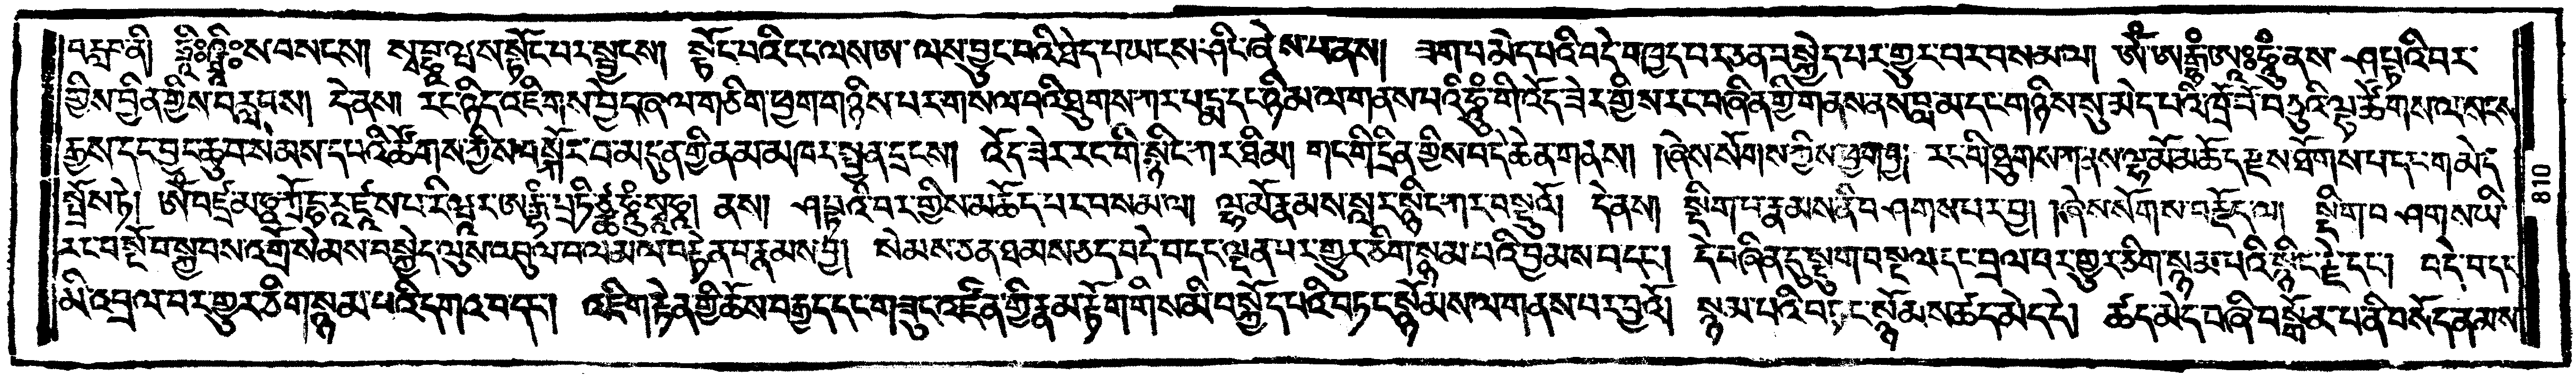བརླབ་ནི། ཧྲཱིཿ ཥྚཱི་H བས་སངས། སྭ་བྷཱ་ཝས་སྟོང་བར་སྦྱངས། སྟོང་བའི་ངང་ལས་ཨ་ལས་བྱུང་བའི་ཐོད་པ་ཡངས་ཤིང་ཞེས་པ་ནས། ཟག་པ་མེད་པའི་བདེ་བ་ཁྱད་པར་ཅན་བསྐྱེད་པར་གྱུར་པར་བསམ་ལ། ཨོཾ་ཨ་རྒྷཾ་ཨཱཿ ཧཱུཾ་ནས་ཤ་པྟའི་བར་
གྱིས་བྱིན་གྱིས་བརླབས། དེ་ནས། རང་ཉིད་འཇིགས་བྱེད་ཞལ་གཅིག་ཕྱག་གཉིས་པར་གསལ་བའི་ཐུགས་ཀར་པདམ་དང་ཉི་མ་ལ་གནས་པའི་ཧཱུཾ་གི་འོད་ཟེར་གྱིས་རང་བཞིན་གྱི་གནས་ནས་བླ་མ་དང་གཉིས་སུ་མེད་པའི་ཁྲོ་བོ་བཅུའི་ལྷ་ཚོགས་ལ་སངས་
རྒྱས་དང་བྱུང་ཆུབ་སེམས་དཔའི་ཚོགས་ཀྱིས་བསྐོར་བ་མདུན་གྱི་ནམ་མཁར་སྦྱན་དྲངས། འོད་ཟེར་རང་གི་སྙིང་ཀར་ཐིམ། གང་གི་དྲིན་གྱིས་བདེ་ཆེན་གནས། །ཞེས་སོགས་ཀྱིས་ཕྱག་བྱ། རང་གི་ཐུགས་ཀ་ནས་ལྷ་མོ་མཆོད་རྫས་ཐོགས་པ་དང་ག་མེད་
སྤྲོས་ཏེ། ཨོཾ་བཛྲ་མ་ཧཱ་ཀྲོ་དྷ་རཱ་ཛའས་པ་རི་ཝཱར་ཨ་རྒྷཾ་ཝ་ཏི་ཙྪ་ཧཱུཾ་སྭཱ་ཧཱ། ནས། ཤཔྟའི་བར་གྱིས་མཆོད་པར་བསམ་ལ། ལྷ་མོ་རྣམས་སླར་སྙིང་ཀར་བསྡུའོ། དེ་ནས། སྡིག་པ་རྣམས་ནི་བཤགས་པར་བྱ། །ཞེས་སོགས་བརྗོད་ལ། སྡིག་བཤགས་ཡི་
རང་བསྔོ་བ་སྐྱབས་འགྲོ་སེམས་བསྐྱེད་ལུས་འབུལ་བ་ལམ་ལ་བརྟེན་པ་རྣམས་བྱ། སེམས་ཅན་ཐམས་ཅད་བདེ་བ་དང་ལྡན་པར་གྱུར་ཅིག་སྙམ་པའི་བྱམས་པ་དང་། དེ་བཞིན་དུ་སྡུག་བསྔལ་དང་བྲལ་བར་གྱུར་ཅིག་སྙམ་པའི་སྙིང་རྗེ་དང་། བདེ་བ་དང་
མི་འབྲལ་བར་གྱུར་ཅིག་སྙམ་པའི་དགའ་བ་དང་། འཇིག་རྟེན་གྱི་ཆོས་བརྒྱད་དང་གཟུང་འཛིན་གྱི་རྣམ་རྟོག་གིས་མི་བསྐྱོད་པའི་བཏང་སྙོམས་ལ་གནས་བར་བྱའོ། སྙམ་པའི་བཏང་སྙོམས་ཚད་མེད་དོ། ཚད་མེད་བཞི་བསྒོམ་པ་ནི་བསོད་ནམ་